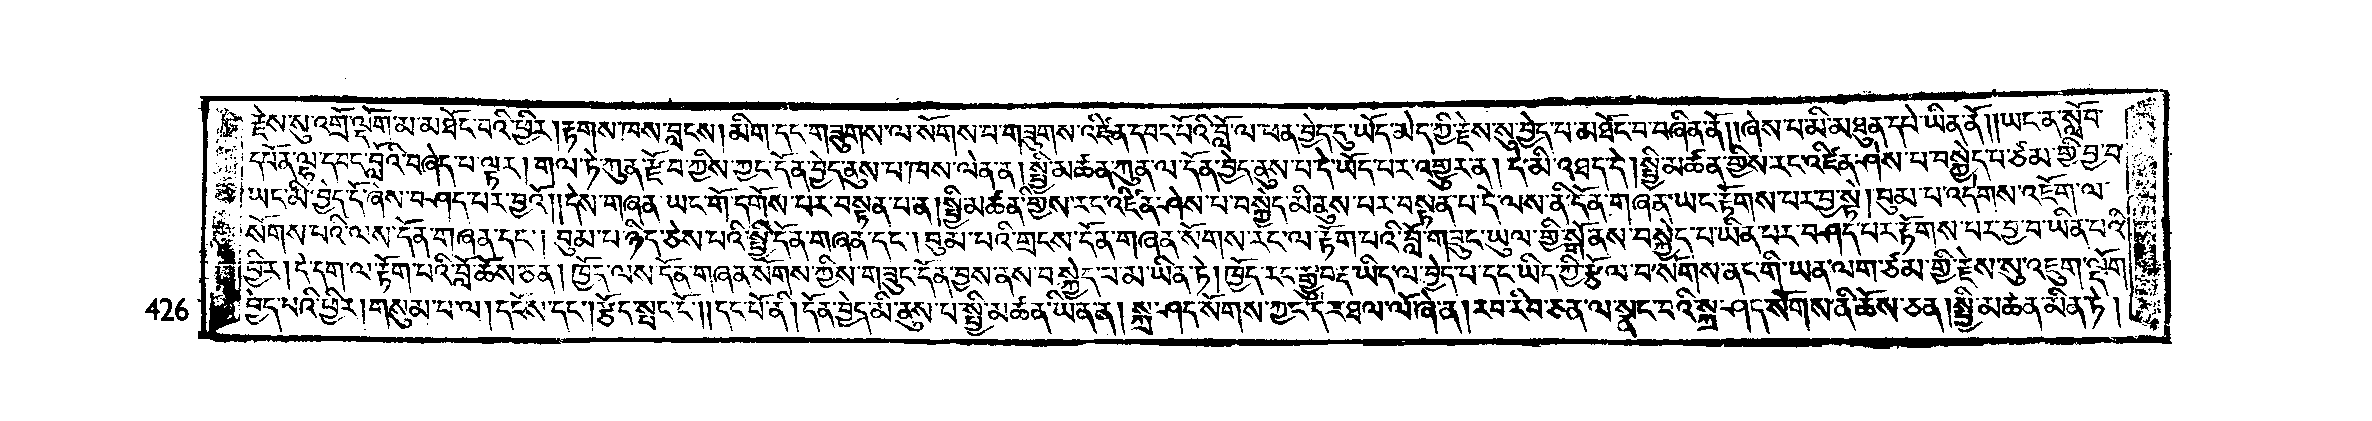རྗེས་སུ་འགྲོ་ལྡོག་མ་མཐོང་བའི་ཕྱིར། རྟགས་ཁས་བླངས། མིག་དང་གཟུགས་ལ་སོགས་པ་གཟུགས་འཛིན་དབང་པོའི་བློ་ལ་ཕན་བྱེད་དུ་ཡོད་མེད་ཀྱི་རྗེས་སུ་བྱེད་པ་མཐོང་བ་བཞིན་ནོ། །ཞེས་པ་མི་མཐུན་དཔེ་ཡིན་ནོ། །ཡང་ན་སློབ་
དཔོན་ལྷ་དབང་བློའི་བཞེད་པ་ལྟར། གལ་ཏེ་ཀུན་རྫོབ་ཀྱིས་ཀྱང་དོན་བྱེད་ནུས་པ་ཁས་ལེན་ན། སྤྱི་མཚན་ཀུན་ལ་དོན་བྱེད་ནུས་པ་དེ་ཡོད་པར་འགྱུར་ན། དེ་མི་འཐད་དེ། སྤྱི་མཚན་གྱིས་རང་འཛིན་ཤེས་པ་བསྐྱེད་པ་ཙམ་གྱི་བྱ་བ་
ཡང་མི་བྱེད་དོ་ཞེས་བཤད་པར་བྱའོ། །དེས་གཞན་ཡང་གོ་དགོས་པར་བསྟན་པ་ན། སྤྱི་མཚན་གྱིས་རང་འཛིན་ཤེས་པ་བསྐྱེད་མི་ནུས་པར་བསྟན་པ་དེ་ལས་ནི་དོན་གཞན་ཡང་རྟོགས་པར་བྱ་སྟེ། བུམ་པ་འདེགས་འཇོག་ལ་
སོགས་པའི་ལས་དོན་གཞན་དང་། བུམ་པ་ཉིད་ཅེས་པའི་སྤྱི་དོན་གཞན་དང་། བུམ་པའི་གྲངས་དོན་གཞན་སོགས་རང་ལ་རྟོག་པའི་བློ་གཟུང་ཡུལ་གྱི་སྒོ་ནས་བསྐྱེད་པ་ཡིན་པར་བཤད་པར་རྟོགས་པར་བྱ་བ་ཡིན་པའི་
ཕྱིར། དེ་དག་ལ་རྟོག་པའི་བློ་ཆོས་ཅན། ཁྱོད་ལས་དོན་གཞན་སོགས་ཀྱིས་གཟུང་དོན་བྱས་ནས་བསྐྱེད་པ་མ་ཡིན་ཏེ། ཁྱོད་རང་རྒྱུ་བརྡ་ཡིད་ལ་བྱེད་པ་དང་ཡིད་ཀྱི་རྩོལ་བ་སོགས་ནང་གི་ཡན་ལག་ཙམ་གྱི་རྗེས་སུ་འཇུག་ལྡོག་
བྱེད་པའི་ཕྱིར། གསུམ་པ་ལ། དངོས་དང་། རྩོད་སྤང་ངོ། །དང་པོ་ནི། དོན་བྱེད་མི་ནུས་པ་སྤྱི་མཚན་ཡིན་ན། སྐྲ་ཤད་སོགས་ཀྱང་དེར་ཐལ་ལོ་ཞེ་ན། རབ་རིབ་ཅན་ལ་སྣང་བའི་སྐྲ་ཤད་སོགས་ནི་ཆོས་ཅན། སྤྱི་མཚན་མིན་ཏེ།